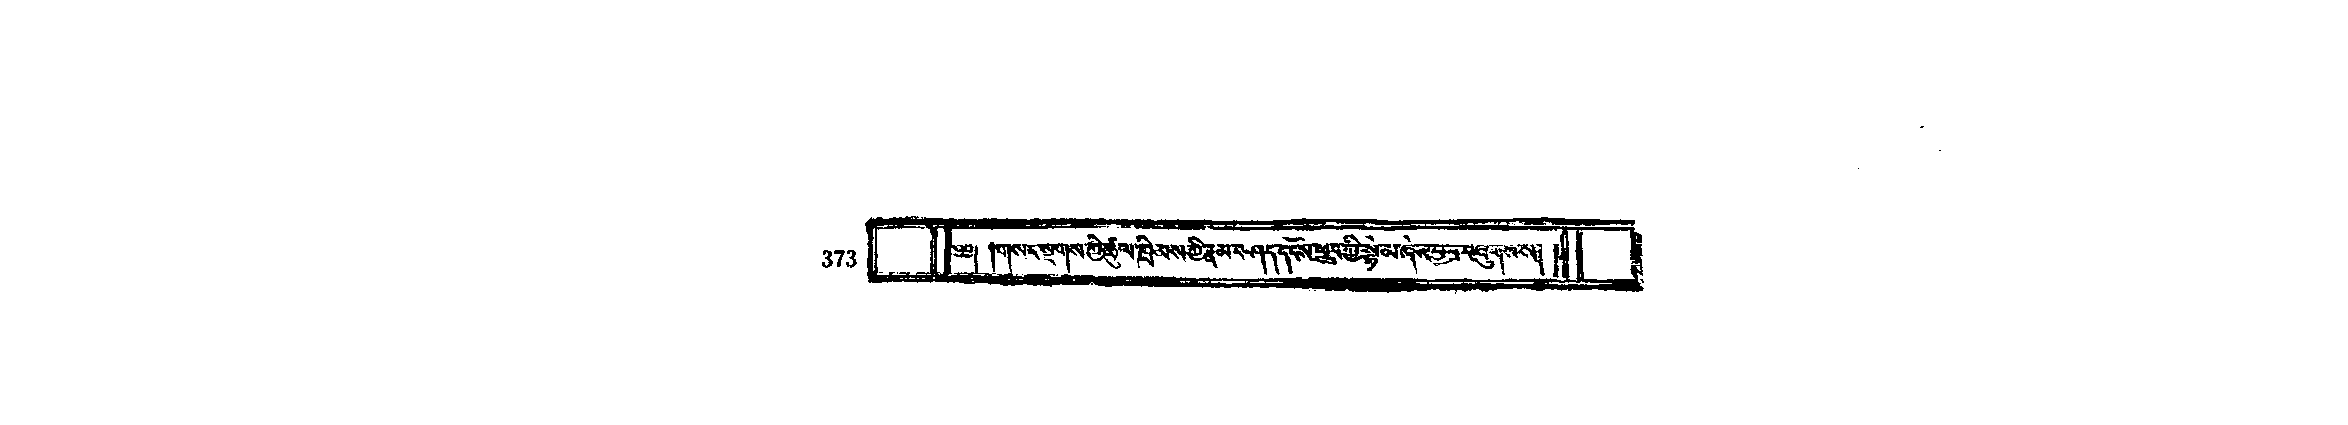༄༅། །གསང་སྔགས་ཀྱི་ཚུལ་ཁྲིམས་ཀྱི་རྣམ་བཤད་དངོས་གྲུབ་ཀྱི་སྙེ་མ་ཞེས་བྱ་བ་བཞུགས་སོ། །